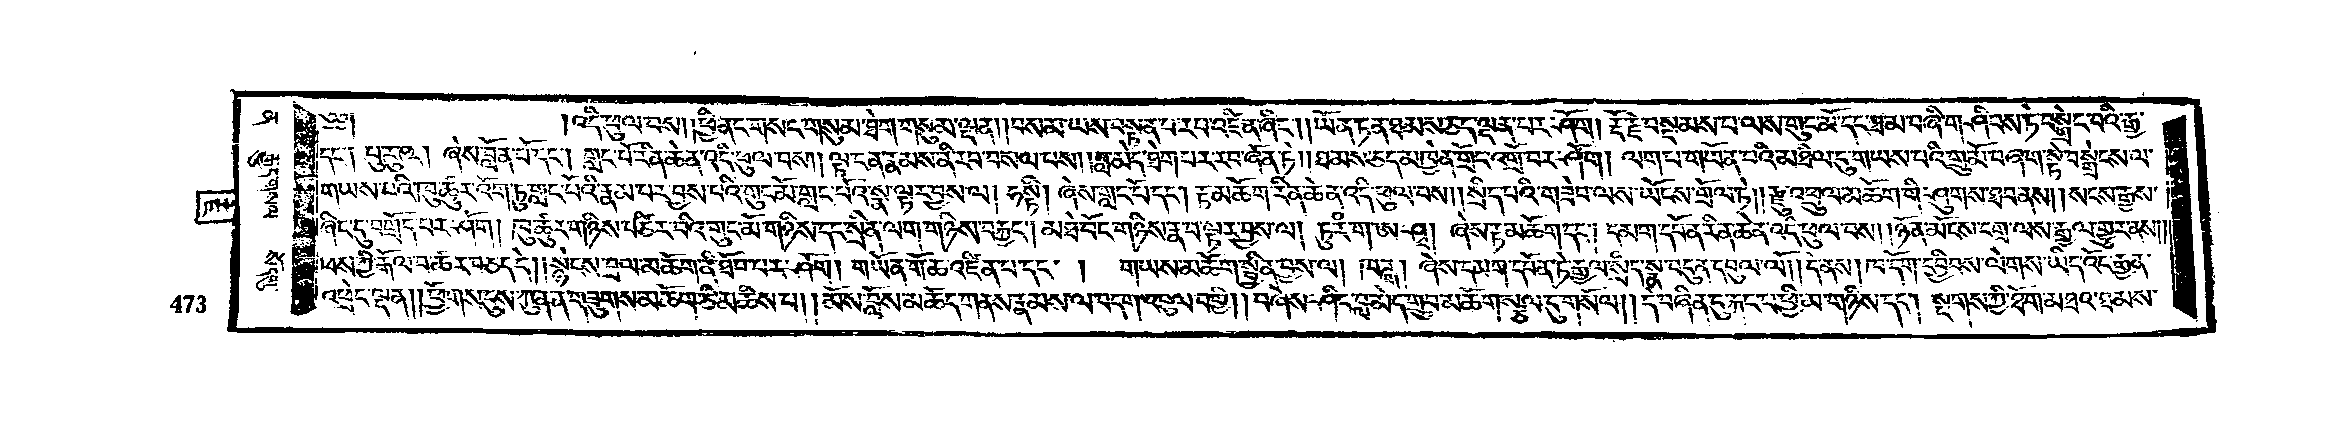༄༅། །འདི་ཕུལ་བས། །ཕྱི་ནང་གསང་གསུམ་ཐེག་གསུམ་ལྡན། །བསམ་ཡས་བསྟན་པ་རབ་འཛིན་ཞིང་། །ཡོན་ཏན་ཐམས་ཅད་ལྡན་པར་ཤོག །རྡོ་རྗེ་བསྡམས་པ་ལས་གུང་མོ་དང་ཐ་མ་བཞི་གཤིབས་ཏེ་བསྒྲེང་བའི་རྒྱ་
དང་། པུ་རུ་ཥ། ཞེས་བློན་པོ་དང་། གླང་པོ་རིན་ཆེན་འདི་ཕུལ་བས། །ལྟ་ངན་རྣམས་ནི་རབ་བསལ་པས། །བླ་མེད་ཐེག་པར་རབ་ཞོན་ཏེ། །ཐམས་ཅད་མཁྱེན་གྲོང་འགྲོ་བར་ཤོག །ལག་པ་གཡོན་པའི་མཐིལ་དུ་གཡས་པའི་གྲུ་མོ་བཞག་སྟེ་བསྒྲེངས་ལ་
གཡས་པའི་ཁུ་ཚུར་འོག་ཏུ་གླང་པོའི་རྣམ་པར་བྱས་པའི་གུང་མོ་གླང་པོའི་སྣ་ལྟར་བྱས་ལ། ཧ་སྟི། ཞེས་གླང་པོ་དང་། རྟ་མཆོག་རིན་ཆེན་འདི་ཕུལ་བས། །སྲིད་པའི་གཟེབ་ལས་ཡོངས་གྲོལ་ཏེ། །རྫུ་འཕྲུལ་མཆོག་གི་ཤུགས་ཐོབ་ནས། །སངས་རྒྱས་
ཞིང་དུ་བགྲོད་པར་ཤོག །ཁུ་ཚུར་གཉིས་བཙིར་བའི་གུང་མོ་གཉིས་དང་སྲིན་ལག་གཉིས་བརྐྱང་། མཐེ་བོང་གཉིས་རྣ་བ་ལྟར་བྱས་ལ། ཏུ་རཾ་ག་ཨ་ཤྭ། ཞེས་རྟ་མཆོག་དང་། དམག་དཔོན་རིན་ཆེན་འདི་ཕུལ་བས། །ཉོན་མོངས་དགྲ་ལས་རྒྱལ་གྱུར་ནས།།
ཕས་ཀྱི་རྒོལ་བ་ཚར་བཅད་དེ། །སྙེངས་བྲལ་མཆོག་ནི་ཐོབ་པར་ཤོག །གཡོན་གོ་ཆ་འཛིན་པ་དང་། གཡས་མཆོག་སྦྱིན་བྱས་ལ། ཁཌྒ། ཞེས་དམག་དཔོན་ཏེ་རྒྱལ་སྲིད་སྣ་བདུན་དབུལ་ལོ། །དེ་ནས། ཁ་དོག་དབྱིབས་ལེགས་ཡིད་འོང་རྒྱན་
འཕྲེང་ལྡན། །ཕྱོགས་དུས་ཀུན་ན་གཟུགས་མཆོག་ཅི་མཆིས་པ། །མོས་བློས་མཆོད་གནས་རྣམས་ལ་བདག་འབུལ་བགྱི། །བཞེས་ཤིང་བླ་མེད་གྲུབ་མཆོག་སྩལ་དུ་གསོལ། །དེ་བཞིན་དུ་རྐང་པ་ཕྱི་མ་གཉིས་དང་། སྔགས་ཀྱི་ཐོག་མཐའ་ཐམས་